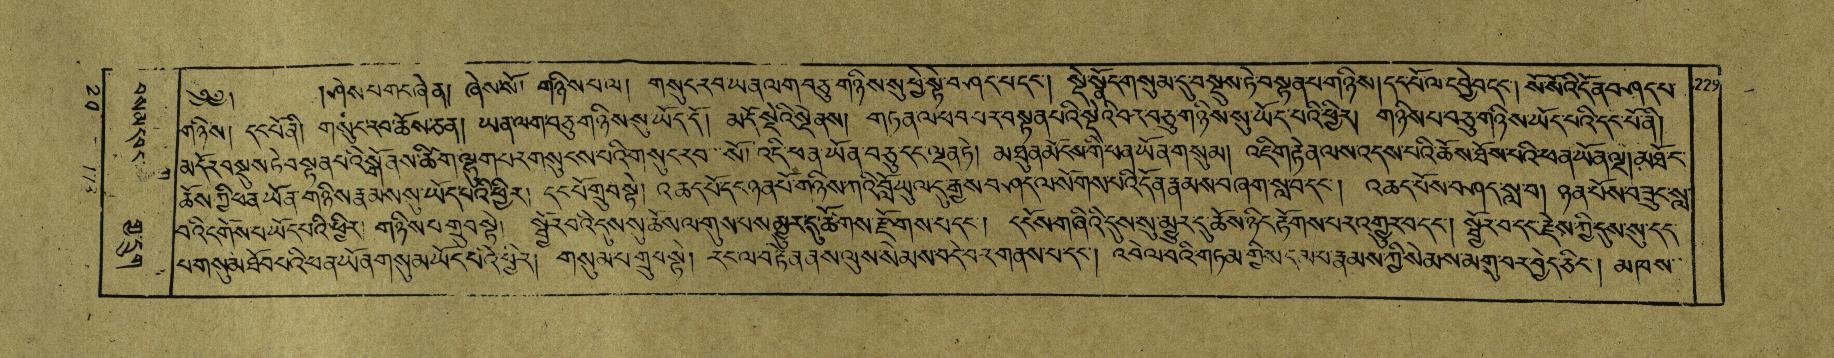༄༅། །ཤེས་པ་གང་ཞེ་ན། ཞེས་སོ། གཉིས་པ་ལ། གསུང་རབ་ཡན་ལག་བཅུ་གཉིས་སུ་ཕྱེ་སྟེ་བཤད་པ་དང་། སྡེ་སྣོད་གསུམ་དུ་བསྡུས་ཏེ་བསྟན་པ་གཉིས། དང་པོ་ལ་དབྱེ་བ་དང་། སོ་སོའི་དོན་བཤད་པ་
གཉིས། དང་པོ་ནི། གསུང་རབ་ཆོས་ཅན། ཡན་ལག་བཅུ་གཉིས་སུ་ཡོད་དོ། མདོ་སྡེའི་སྡེ་ནས། གཏན་ལ་ཕབ་པར་བསྟན་པའི་སྡེའི་བར་བཅུ་གཉིས་སུ་ཡོད་པའི་ཕྱིར། གཉིས་པ་བཅུ་གཉིས་ཡོད་པའི་དང་པོ་ནི།
མདོར་བསྡུས་ཏེ་བསྟན་པའི་སྒོ་ནས་ཚིག་ལྷུག་པར་གསུངས་པའི་གསུང་རབ་སོ། འདི་ཕན་ཡོན་བཅུ་དང་ལྡན་ཏེ། མཐུན་མོངས་གི་ཕན་ཡོན་གསུམ། འཇིག་རྟེན་ལས་འདས་པའི་ཆོས་ཐོས་པའི་ཕན་ཡོན་ལྔ། མཐོང་
ཆོས་ཀྱི་ཕན་ཡོན་གཉིས་རྣམས་སུ་ཡོད་པའི་ཕྱིར། དང་པོ་གྲུབ་སྟེ། འཆད་པོ་དང་ཉན་པོ་གཉིས་ཀའི་བློ་ཡུལ་དུ་རྒྱས་བཤད་ལ་སོགས་པའི་དོན་རྣམས་བཞག་སླ་བ་དང་། འཆད་པོས་བཤད་སླ་བ། ཉན་པོས་བཟུང་སླ་
བའི་དགོས་པ་ཡོད་པའི་ཕྱིར། གཉིས་པ་གྲུབ་སྟེ། སྦྱོར་བའི་དུས་སུ་ཆོས་ལ་གུས་པས་མྱུར་དུ་ཚོགས་རྫོགས་པ་དང་། དངོས་གཞིའི་དུས་སུ་མྱུར་དུ་ཆོས་ཉིད་རྟོགས་པར་འགྱུར་བ་དང་། སྦྱོར་བ་དང་རྗེས་ཀྱི་དུས་སུ་དད་
པ་གསུམ་ཐོབ་པའི་ཕན་ཡོན་གསུམ་ཡོད་པའི་ཕྱིར། གསུམ་པ་གྲུབ་སྟེ། རང་ལ་བརྟེན་ནས་ལུས་སེམས་བདེ་བར་གནས་པ་དང་། འབྲེལ་བའི་གཏམ་གྱིས་དམ་པ་རྣམས་ཀྱི་སེམས་མགུ་བར་བྱེད་ཅིང་། མཁས་